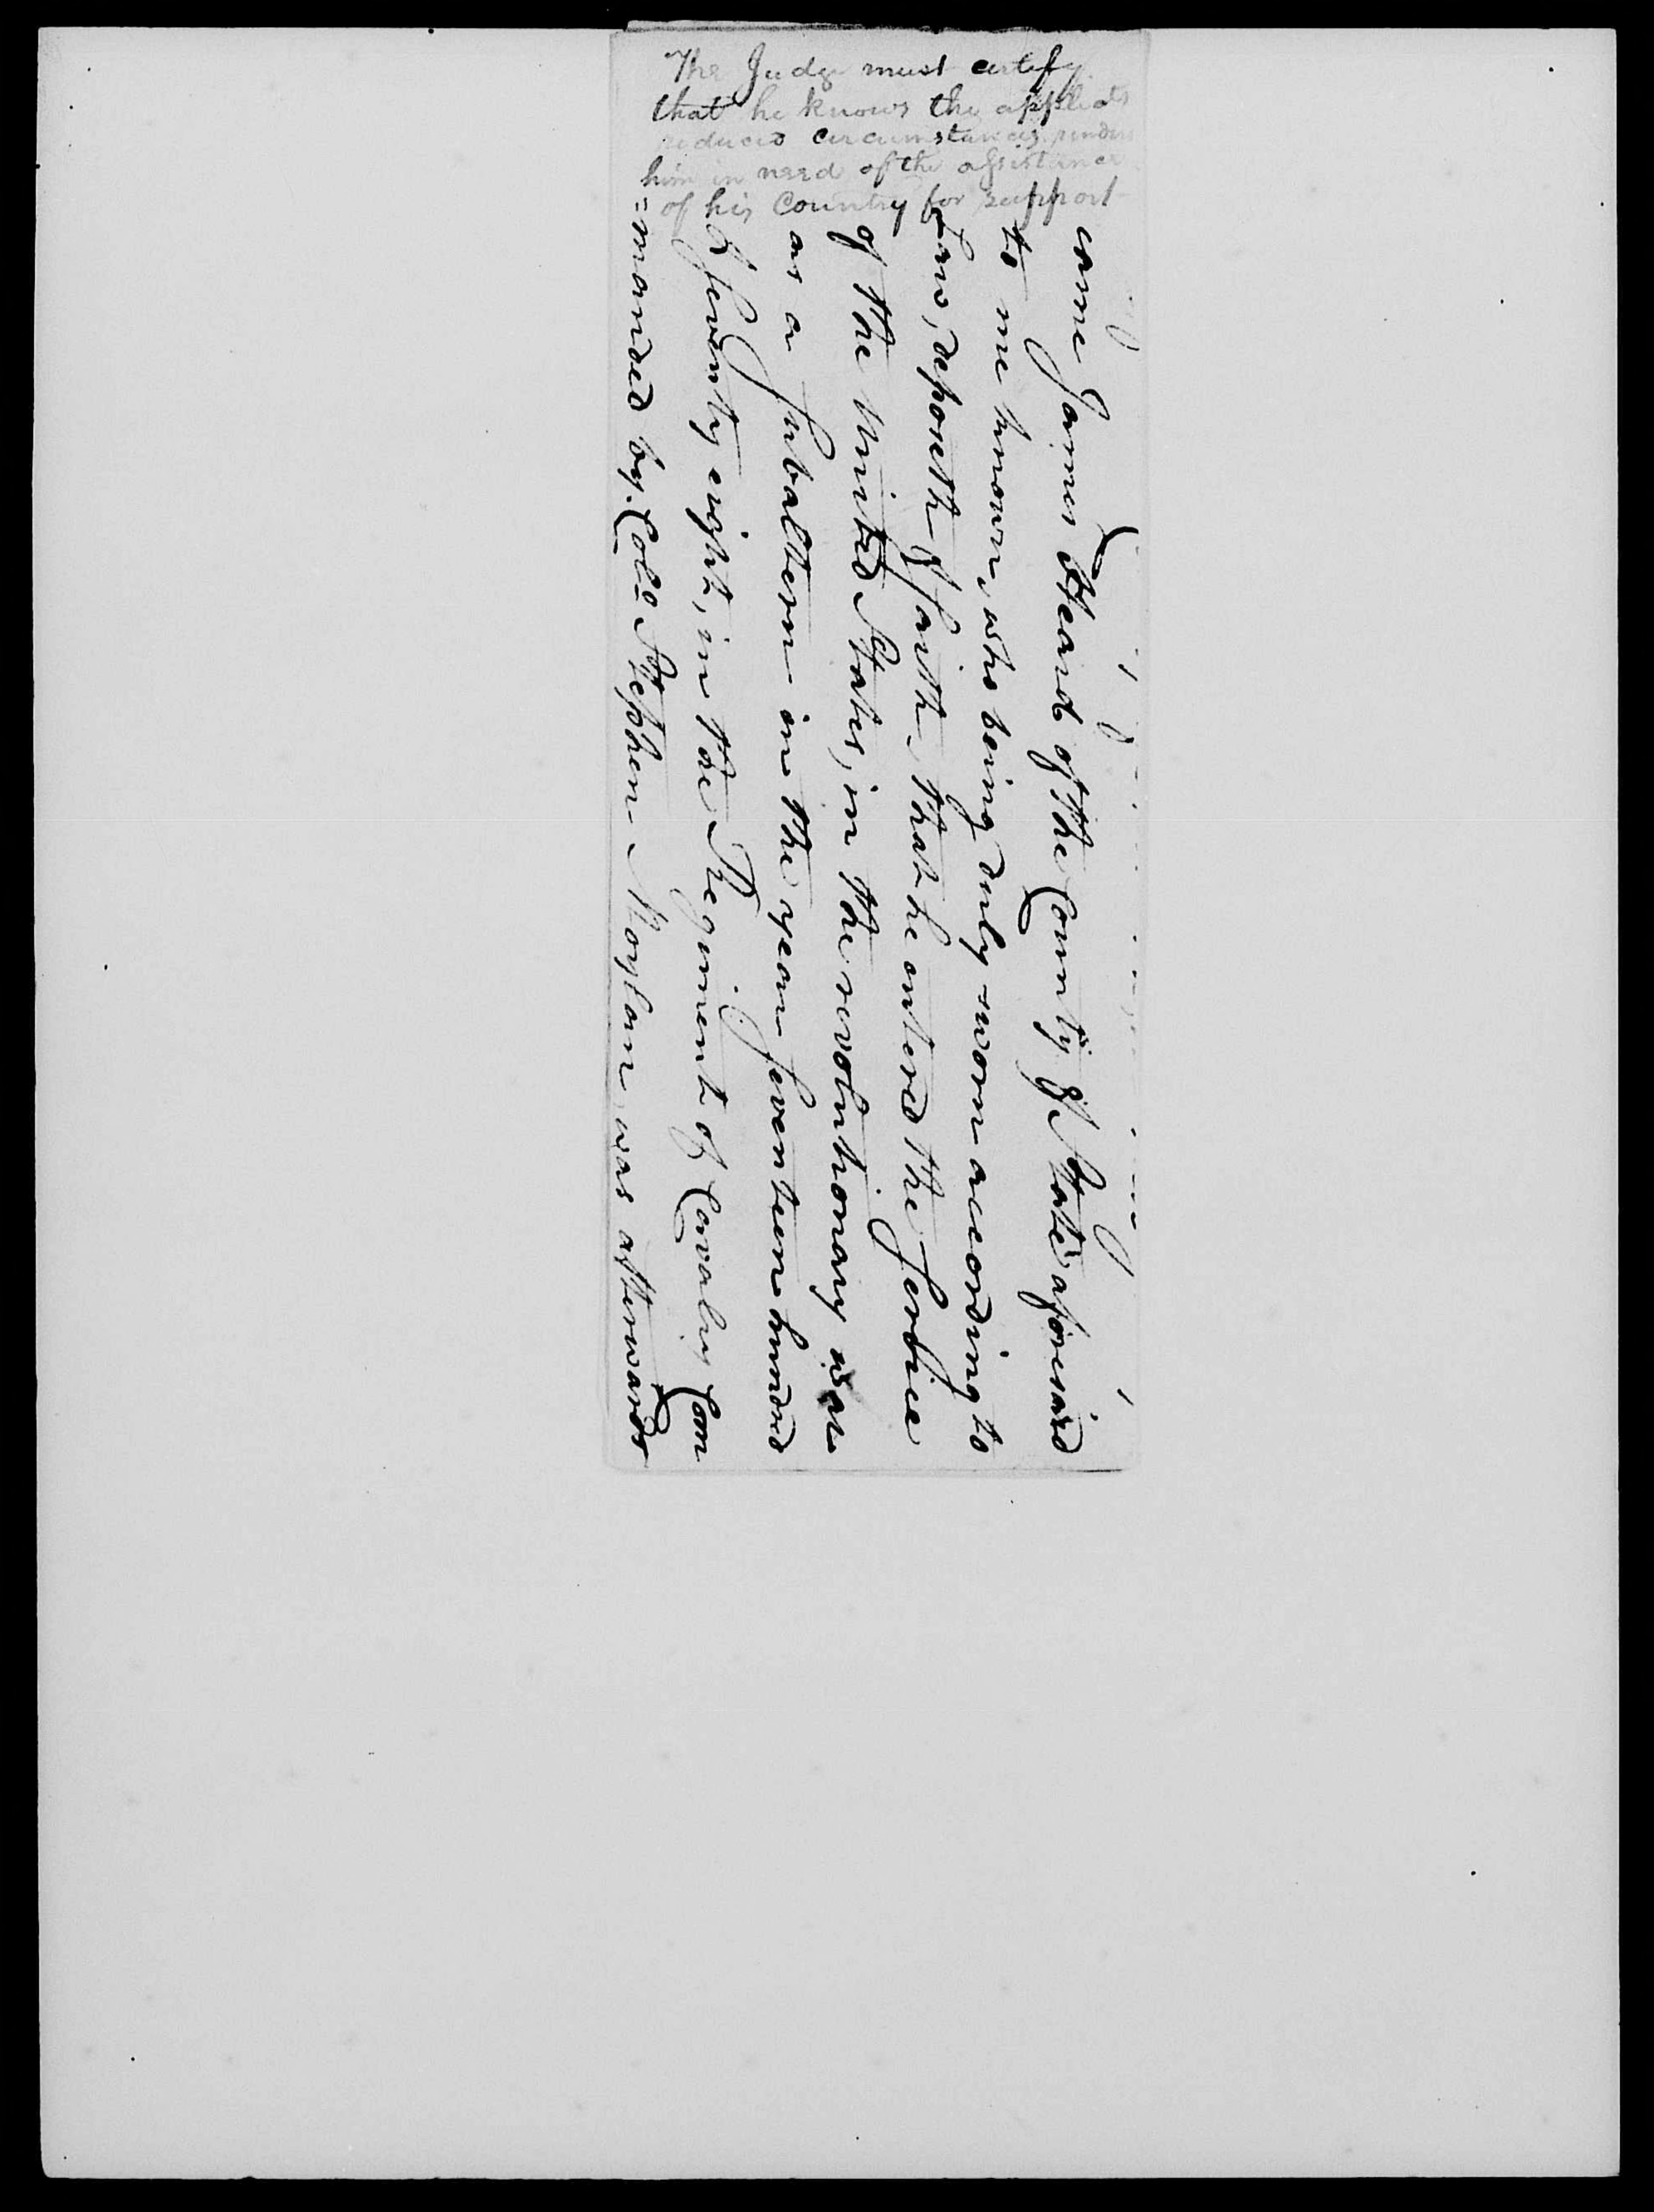The Judge must certify that he knows the applicant’s reduced circumstances renders him in need of the assistance of his country for support.

[Illegible Ink Marks]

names: James Heard, Stephen Moylan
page: 3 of 62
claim: survivor's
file: S. 540, James Heard, Continental - New Jersey Residence In 1818